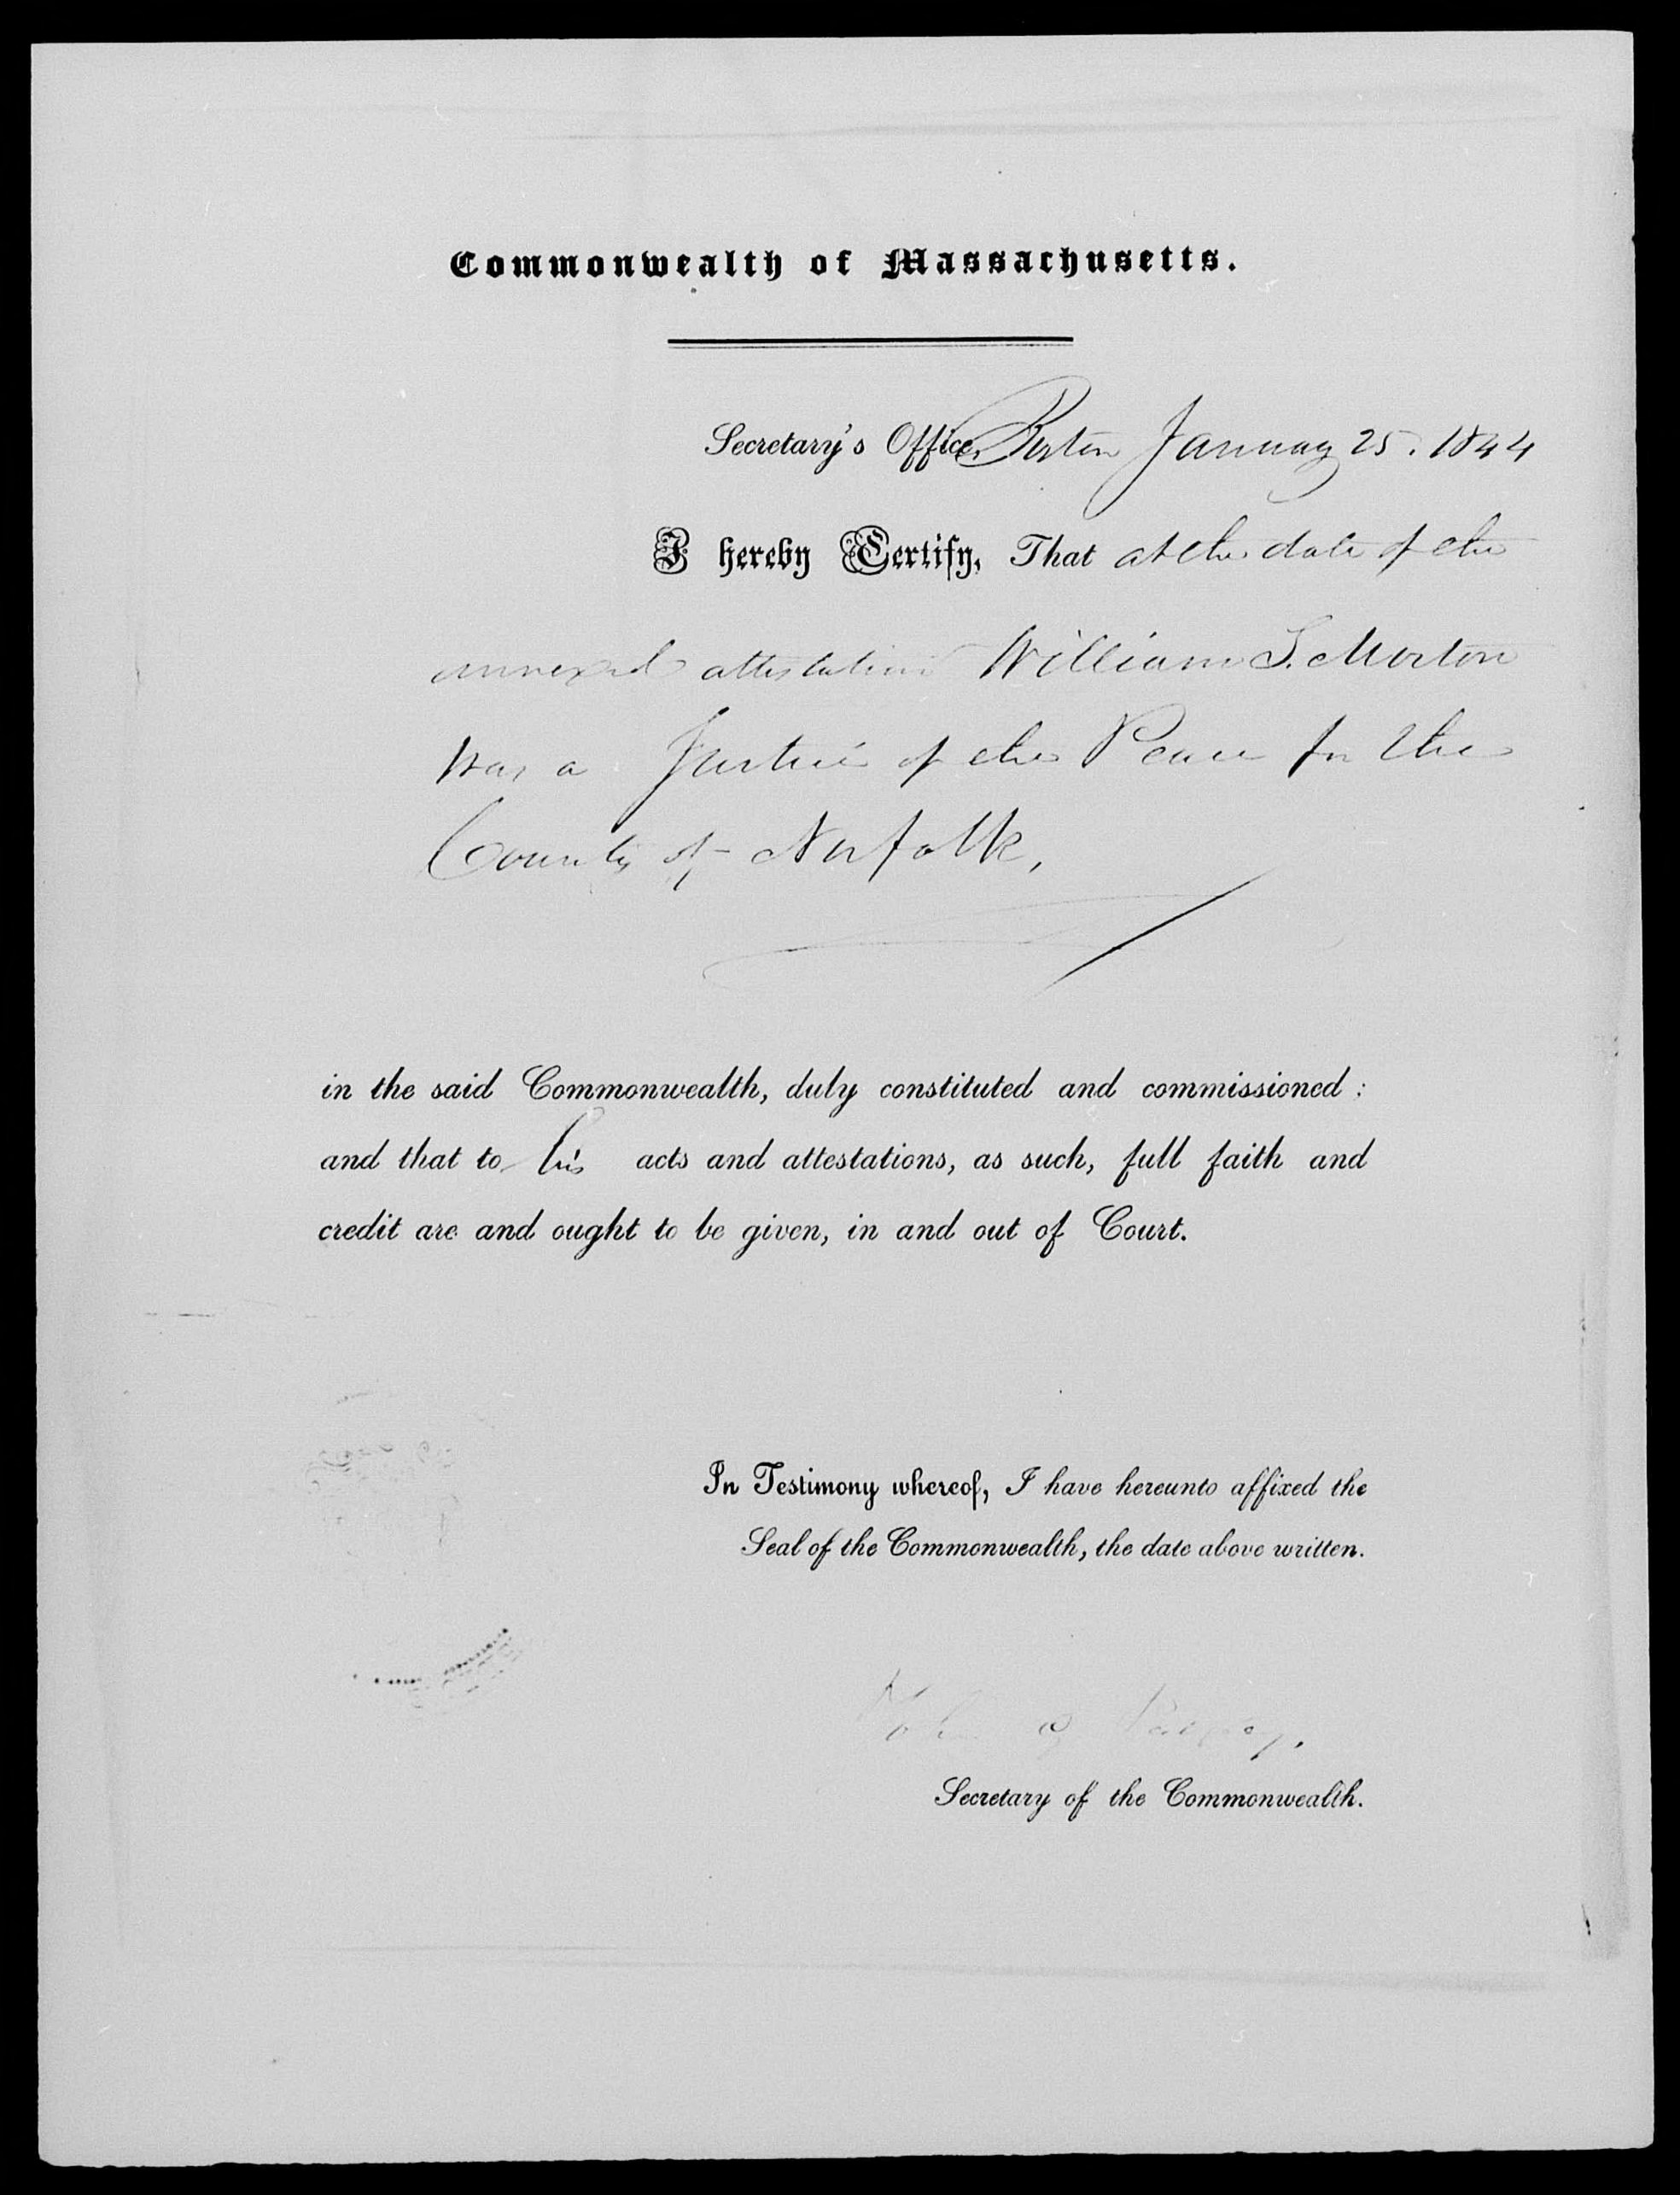Commonwealth of Massachusetts. 
Secretary's Office, Boston January 25, 1844 
I hereby certify that at the date of the annexed attestation William S. Morton was a Justice of the Peace for the County of Norfolk, in the said Commonwealth, duly constituted and commissioned and that to his acts and attestations, as such, full faith and credit are and ought to be give, in and out of Court. 
In Testimony whereof, I have hereunto affixed the Seal of the Commonwealth, the date above written.
Secretary of the Commonwealth 
[illegible signature]
[illegible seal]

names: William S Morton, John G Palfrey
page: 25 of 46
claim: widow's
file: W. 23,673, John Brisler, Mass.